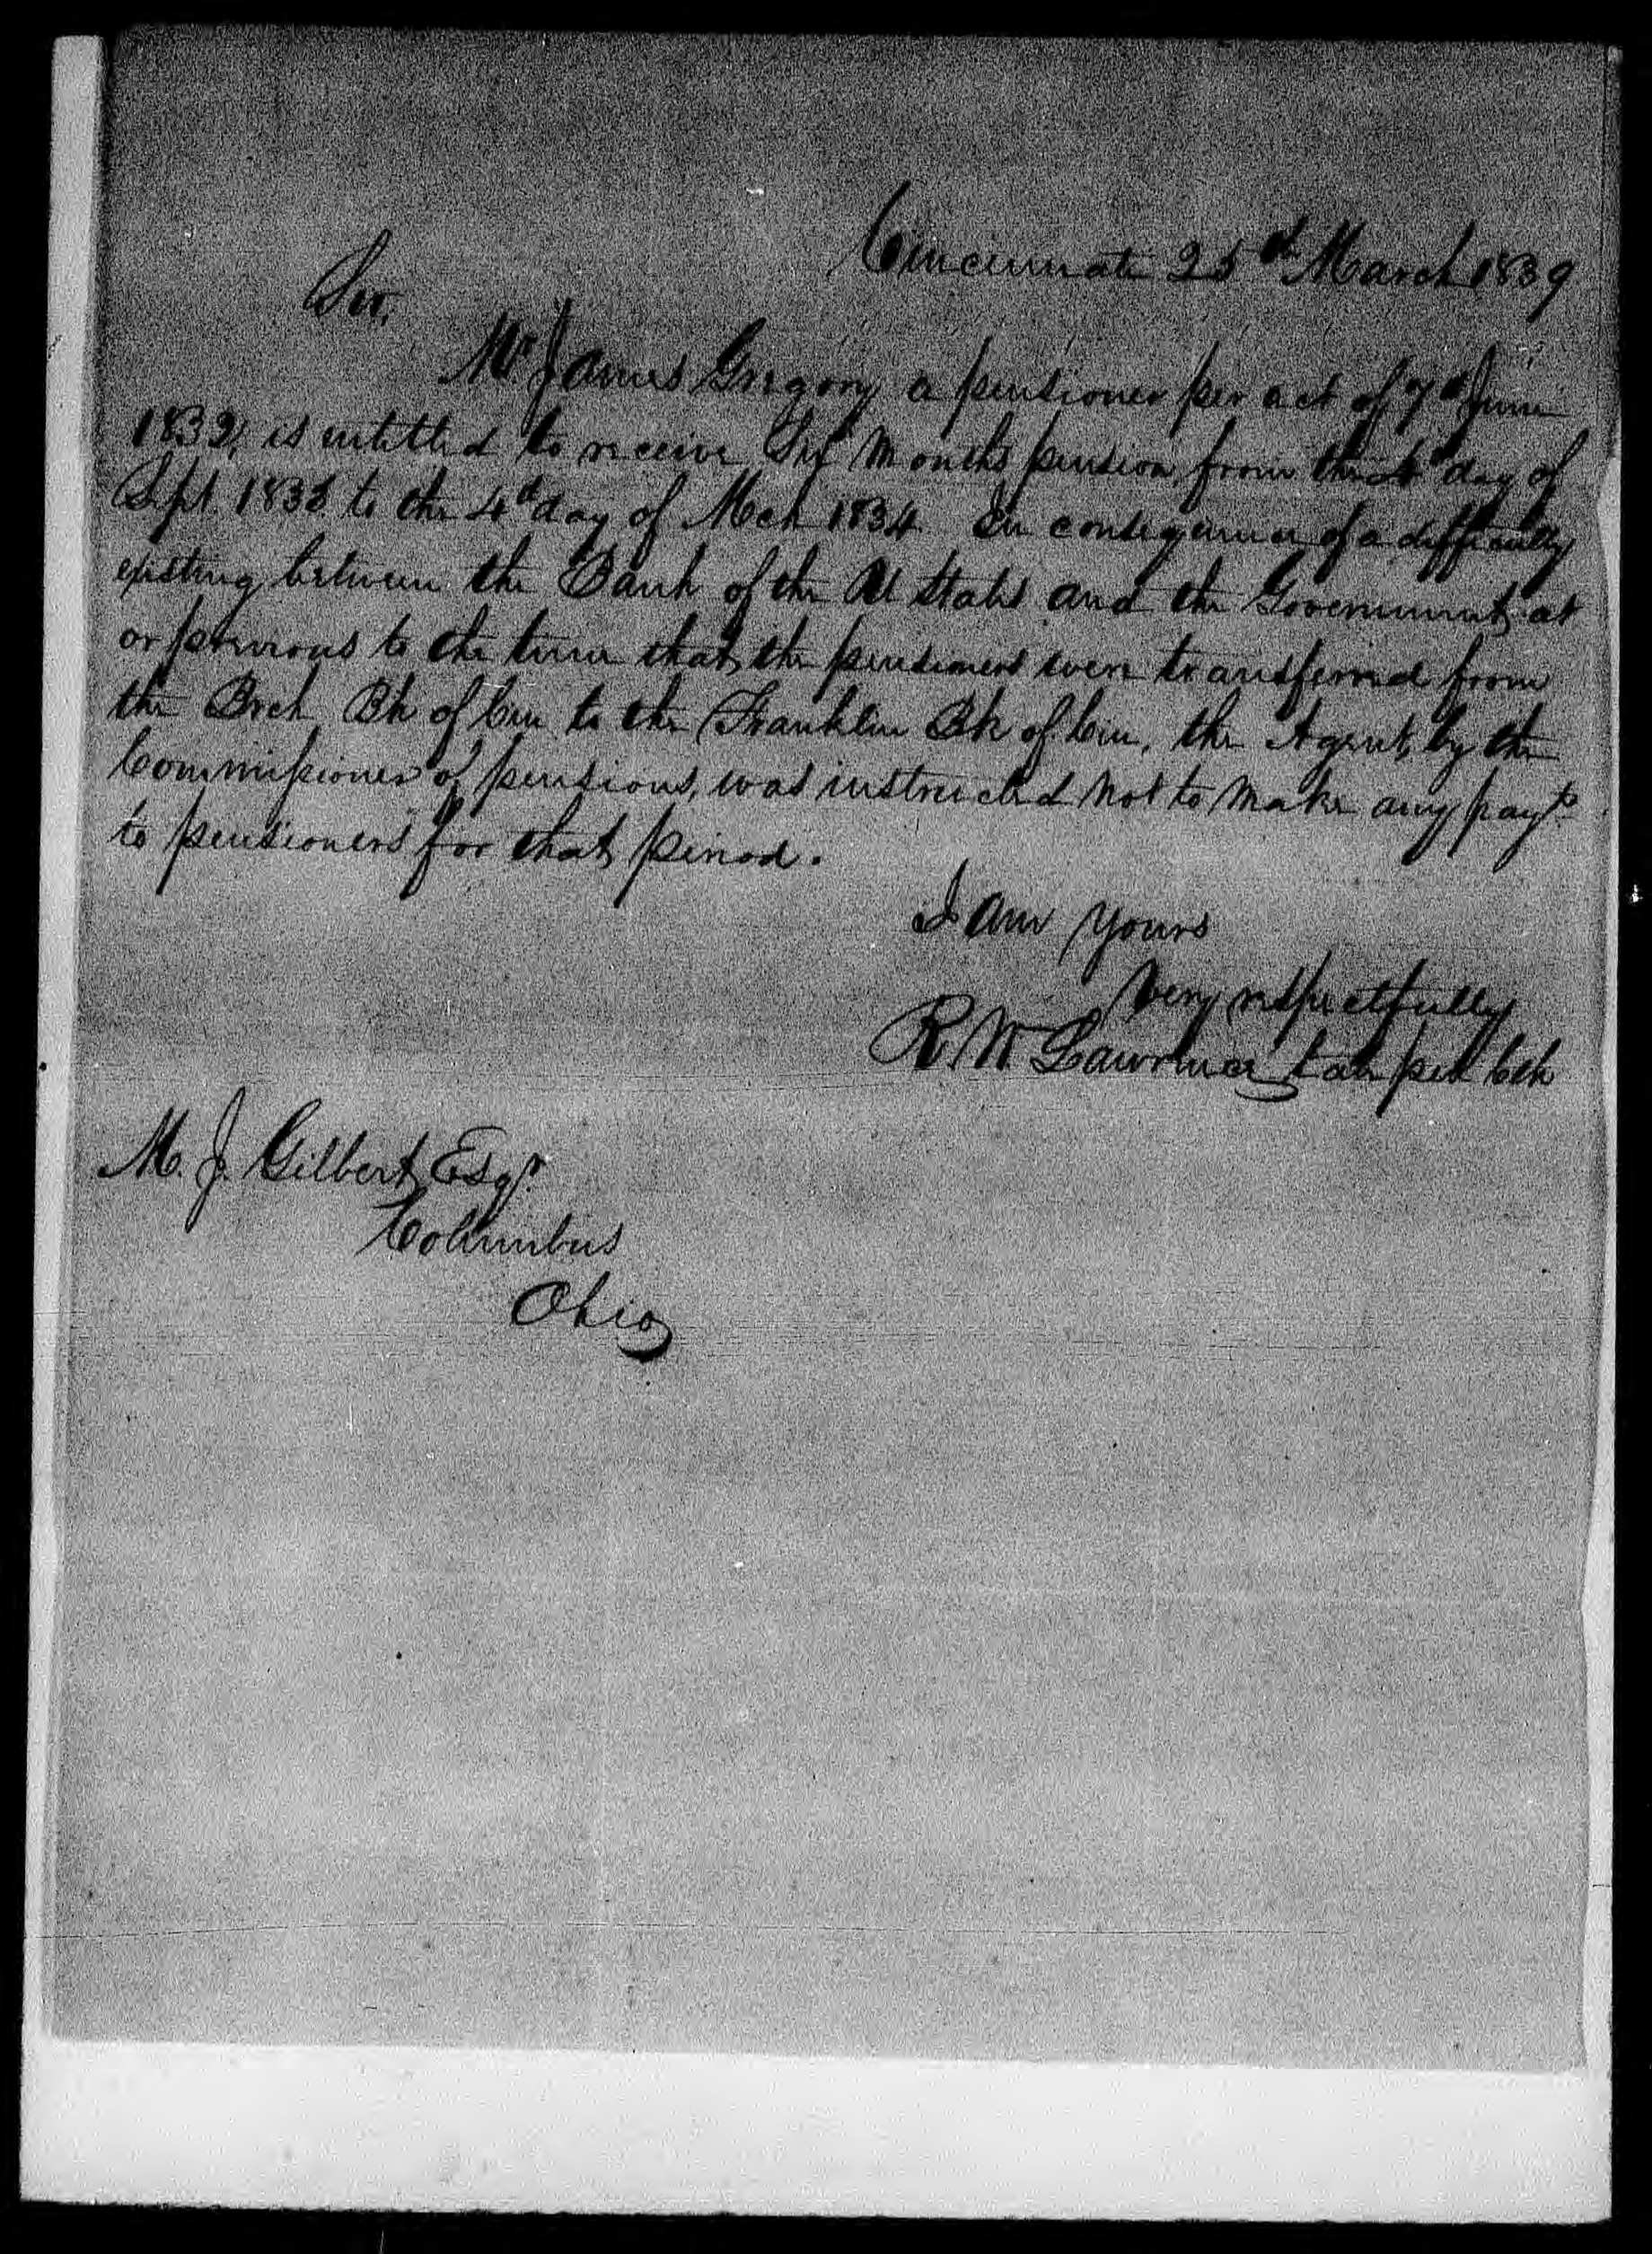Cincinnati 25th of March 1839

Sir,

Mr. James Gregory a pensioner per act of 7th June 1832, is entitled to receive six months pension, from the 4th day of Sept. 1833 to the 4th day of Mch 1834. In contingence if a difficulty existing between the Bank of the U States and the Government at or previous to the time that the pensioners ever transferred from the Brch Bk of Cin to the Franklin Bk of Cin, the Agent, by the Commissioner of Pensions, was instructed not to make any payt to pensioners for that period.

I am yours very respectfully
R W Lawrence transfer clk

M J Gilbert Esq
Columbus
Ohio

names: James Gregory, R W Lawrence, M J Gilbert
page: 18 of 27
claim: survivor's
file: S. 17445, James Gregory, Conn.